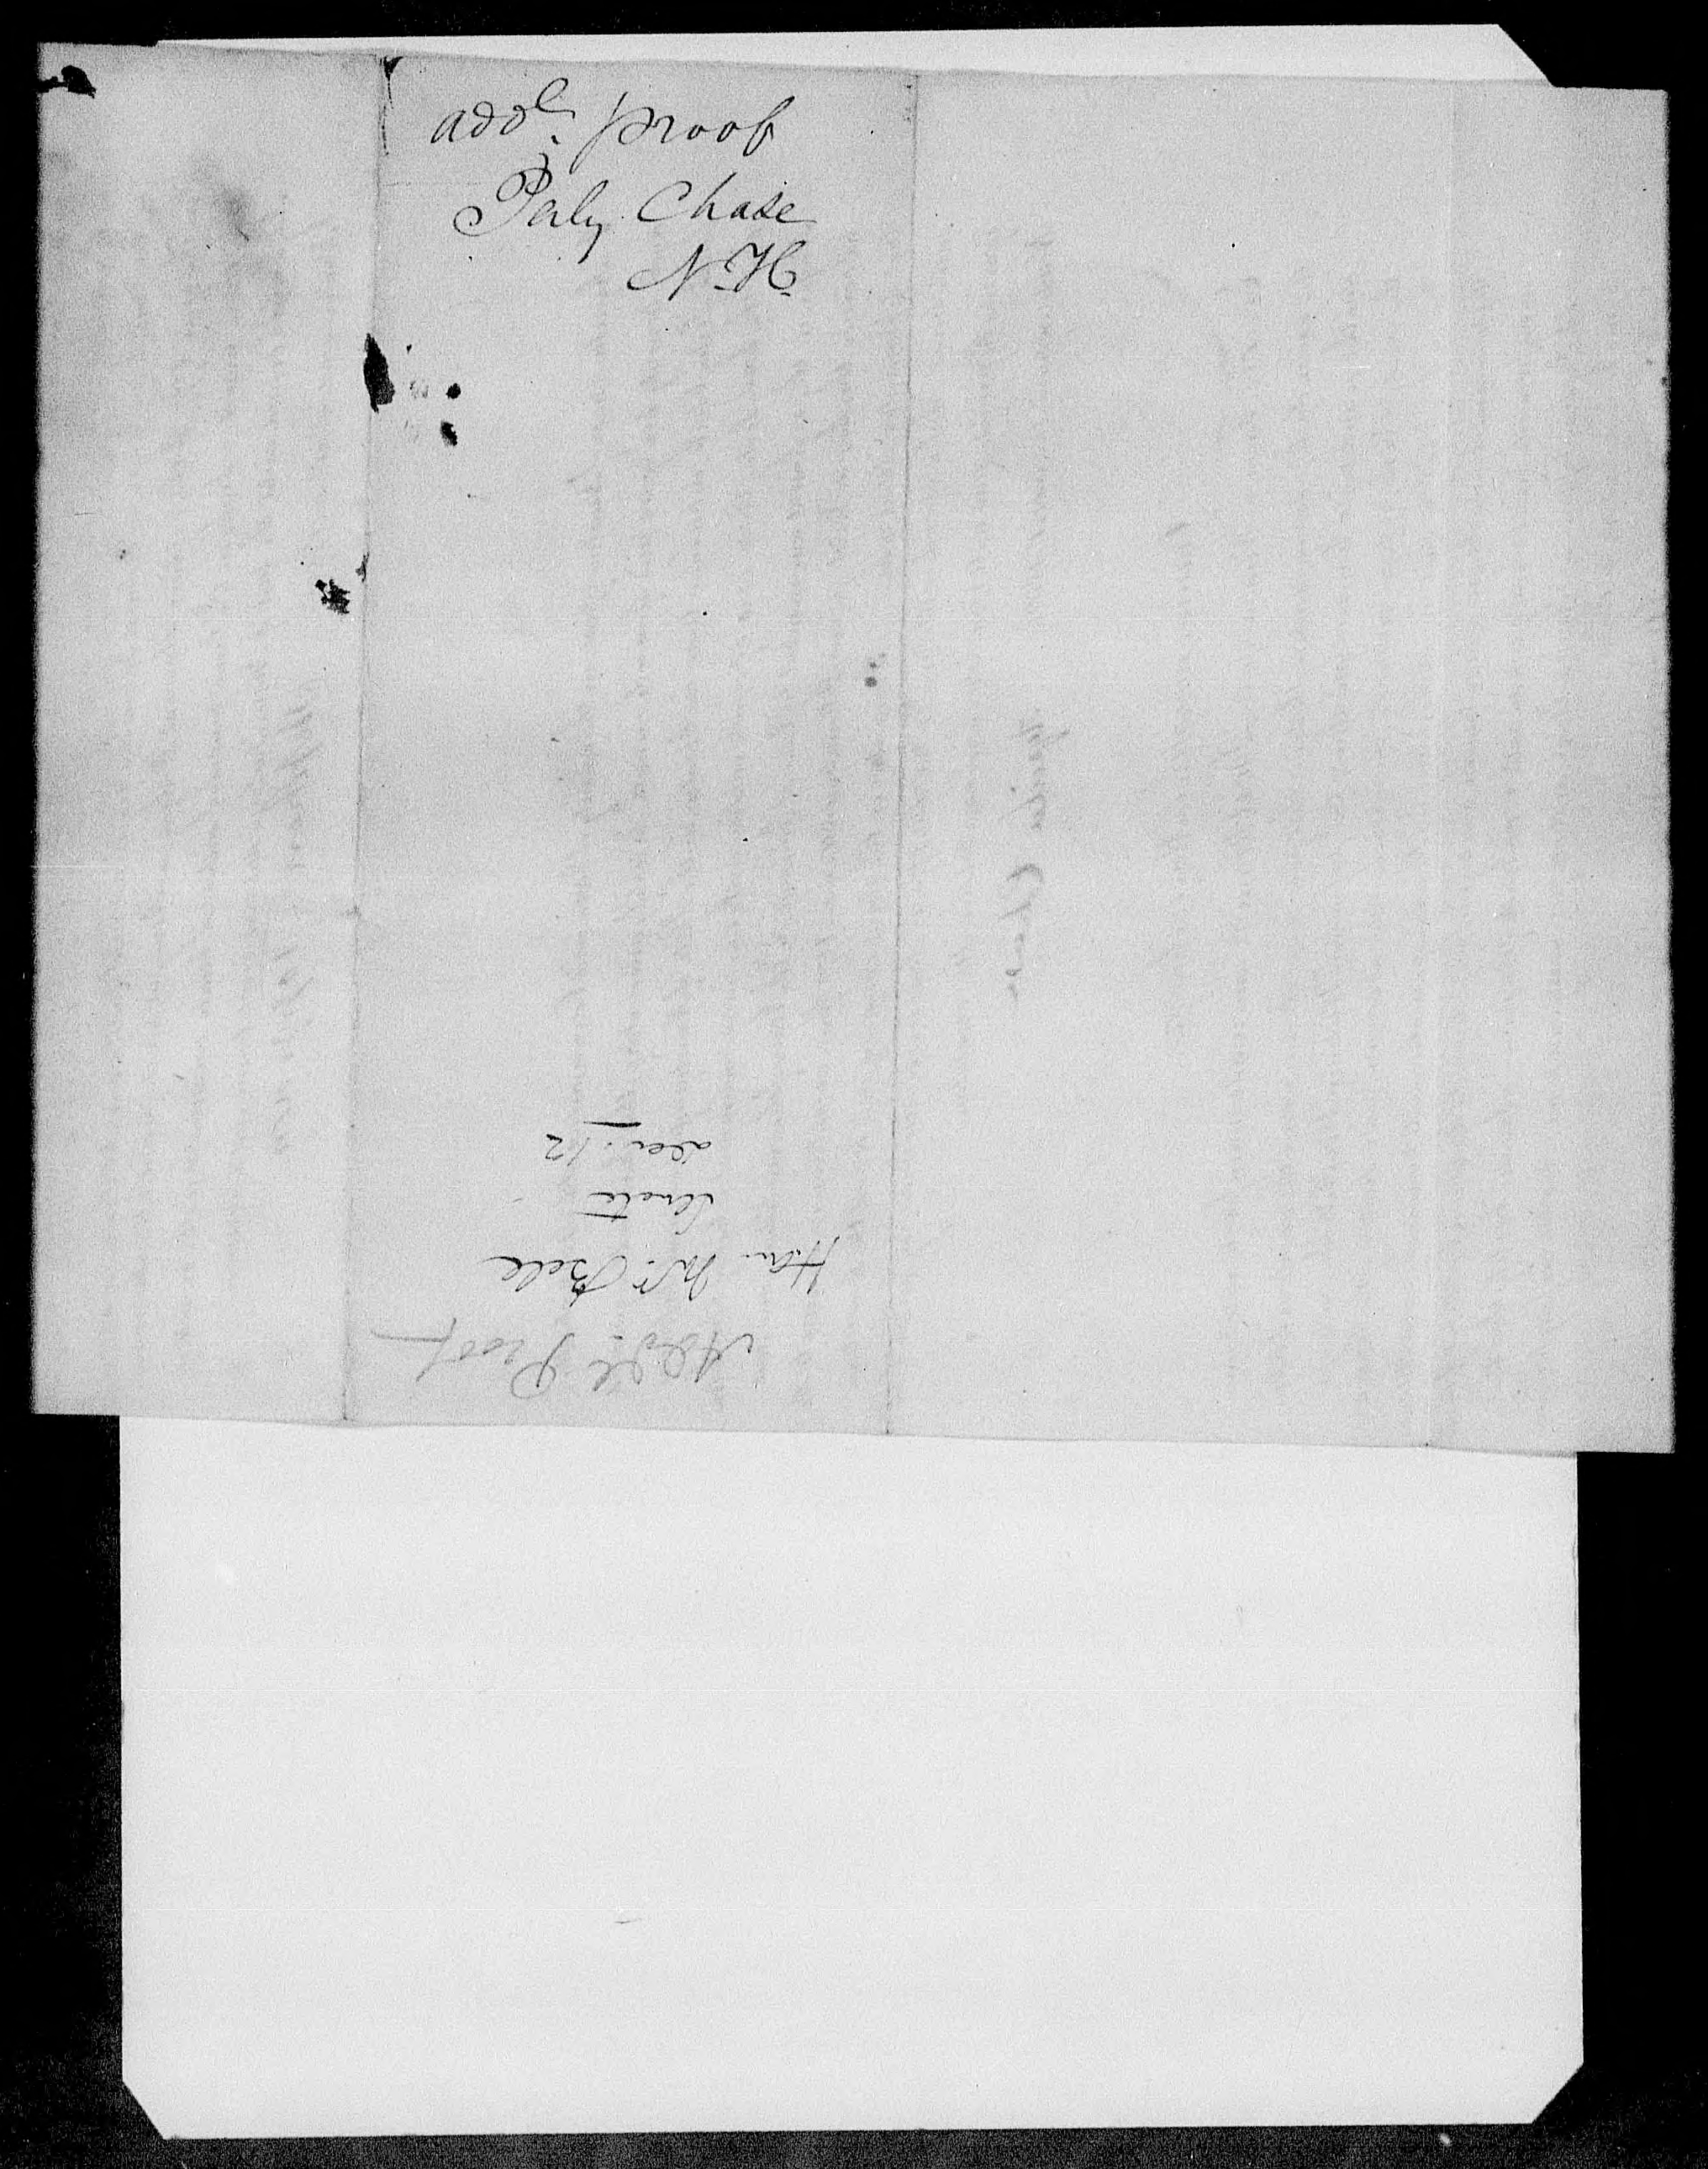Addl proof
Perly Chase
N.H.

(upside down)
Addl. Proof
Hon. N. Bell
letter
Dec. 21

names: Bell, Perly Chase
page: 18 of 24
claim: survivor's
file: S. 17879, Perley Chase, Continental Mass.